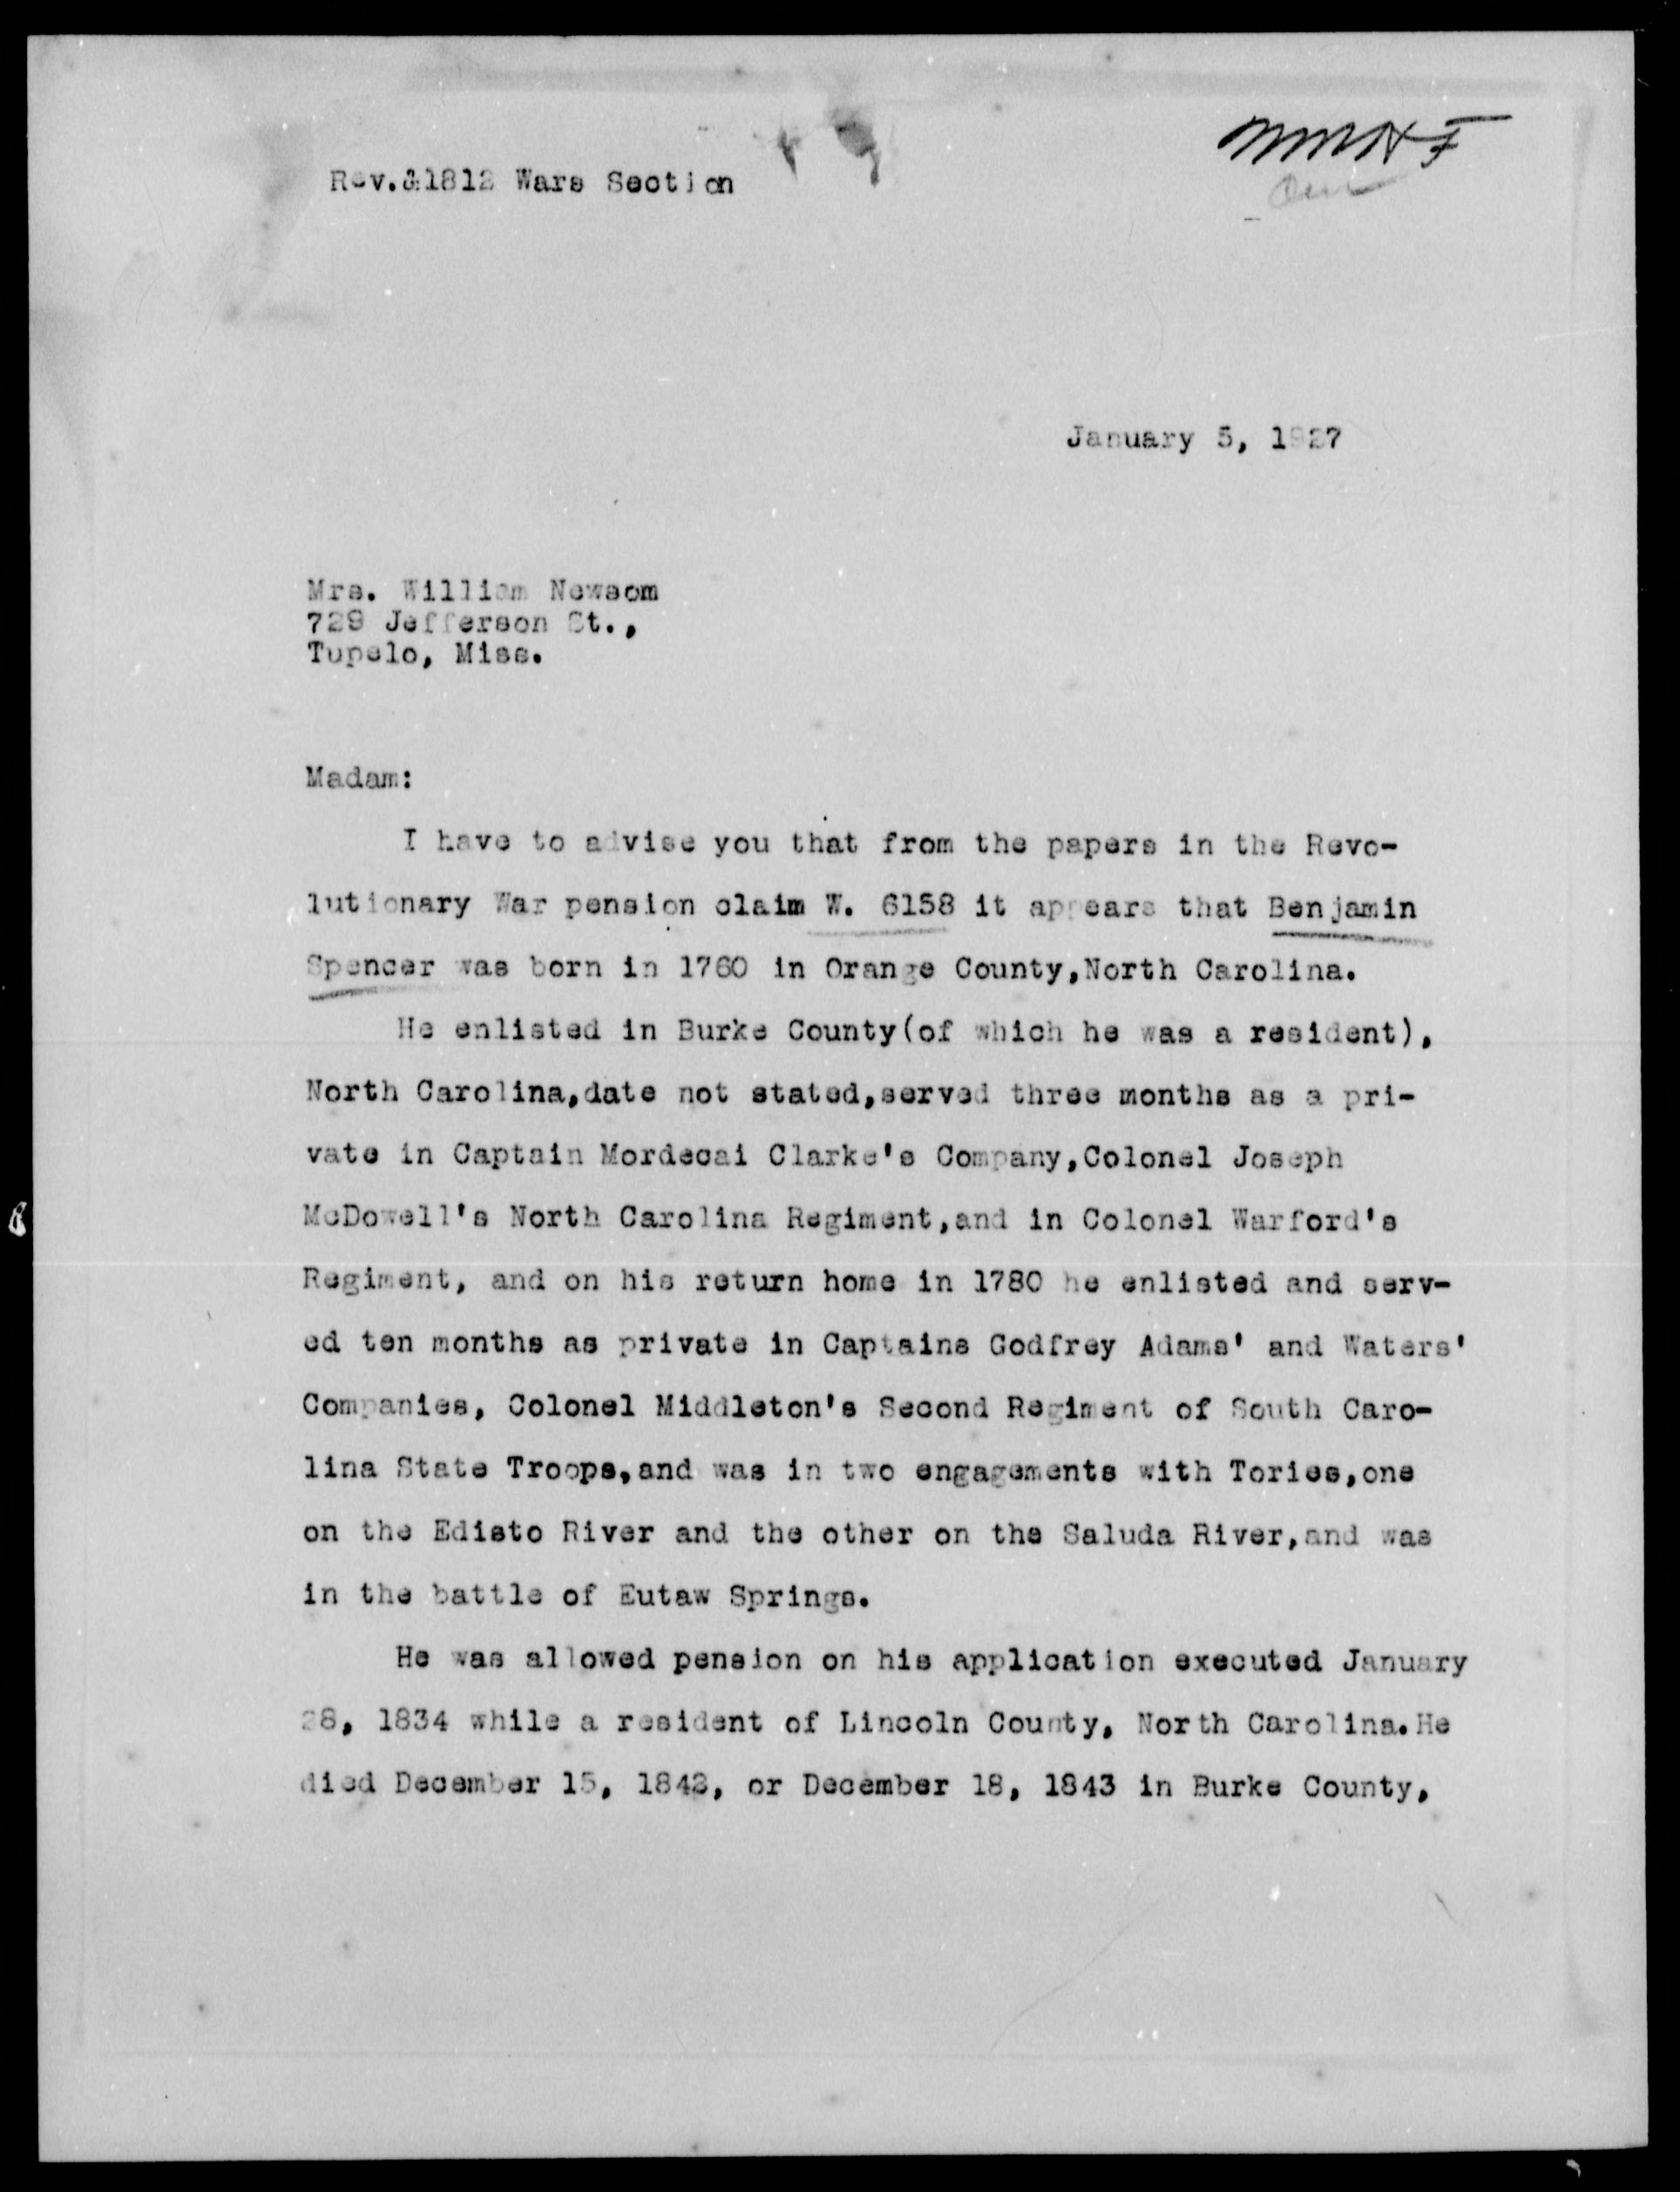Rev. & 1812 Wars Section
MMHF
January 5, 1827
Mrs. William Newsom
729 Jefferson St.
Tupelo, Miss.
Madam:
I have to advise you that from the papers in the Revolutionary
War pension claim W. 6158 it appears that Benjamin
Spencer was born in 1760 in Orange County, North Carolina.
He enlisted in Burke County (of which he was a resident),
North Carolina, date not stated, served three months as a private
in Captain Mordecai Clarke's Company, Colonel Joseph
McDowell's North Carolina Regiment, and in Colonel Warford's
Regiment, and on his return home in 1780 he enlisted and served
ten months as private in Captains Godfrey Adams and Waters'
Companies, Colonel Middleton's Second Regiment of South Carolina
State Troops, and was in two engagements with Tories, one
on the Edisto River and the other on the Saluda River, and was
in the battle of Eutaw Springs.
He was allowed pension on his application executed January
28, 1834 while a resident of Lincoln County, North Carolina. He
died December 15, 1843, or December 18, 1843 in Burke County,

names: Benjamin Spencer; William Newsom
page: 22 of 63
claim: widow's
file: W. 6158, for Benjamin Spencer, North Carolina